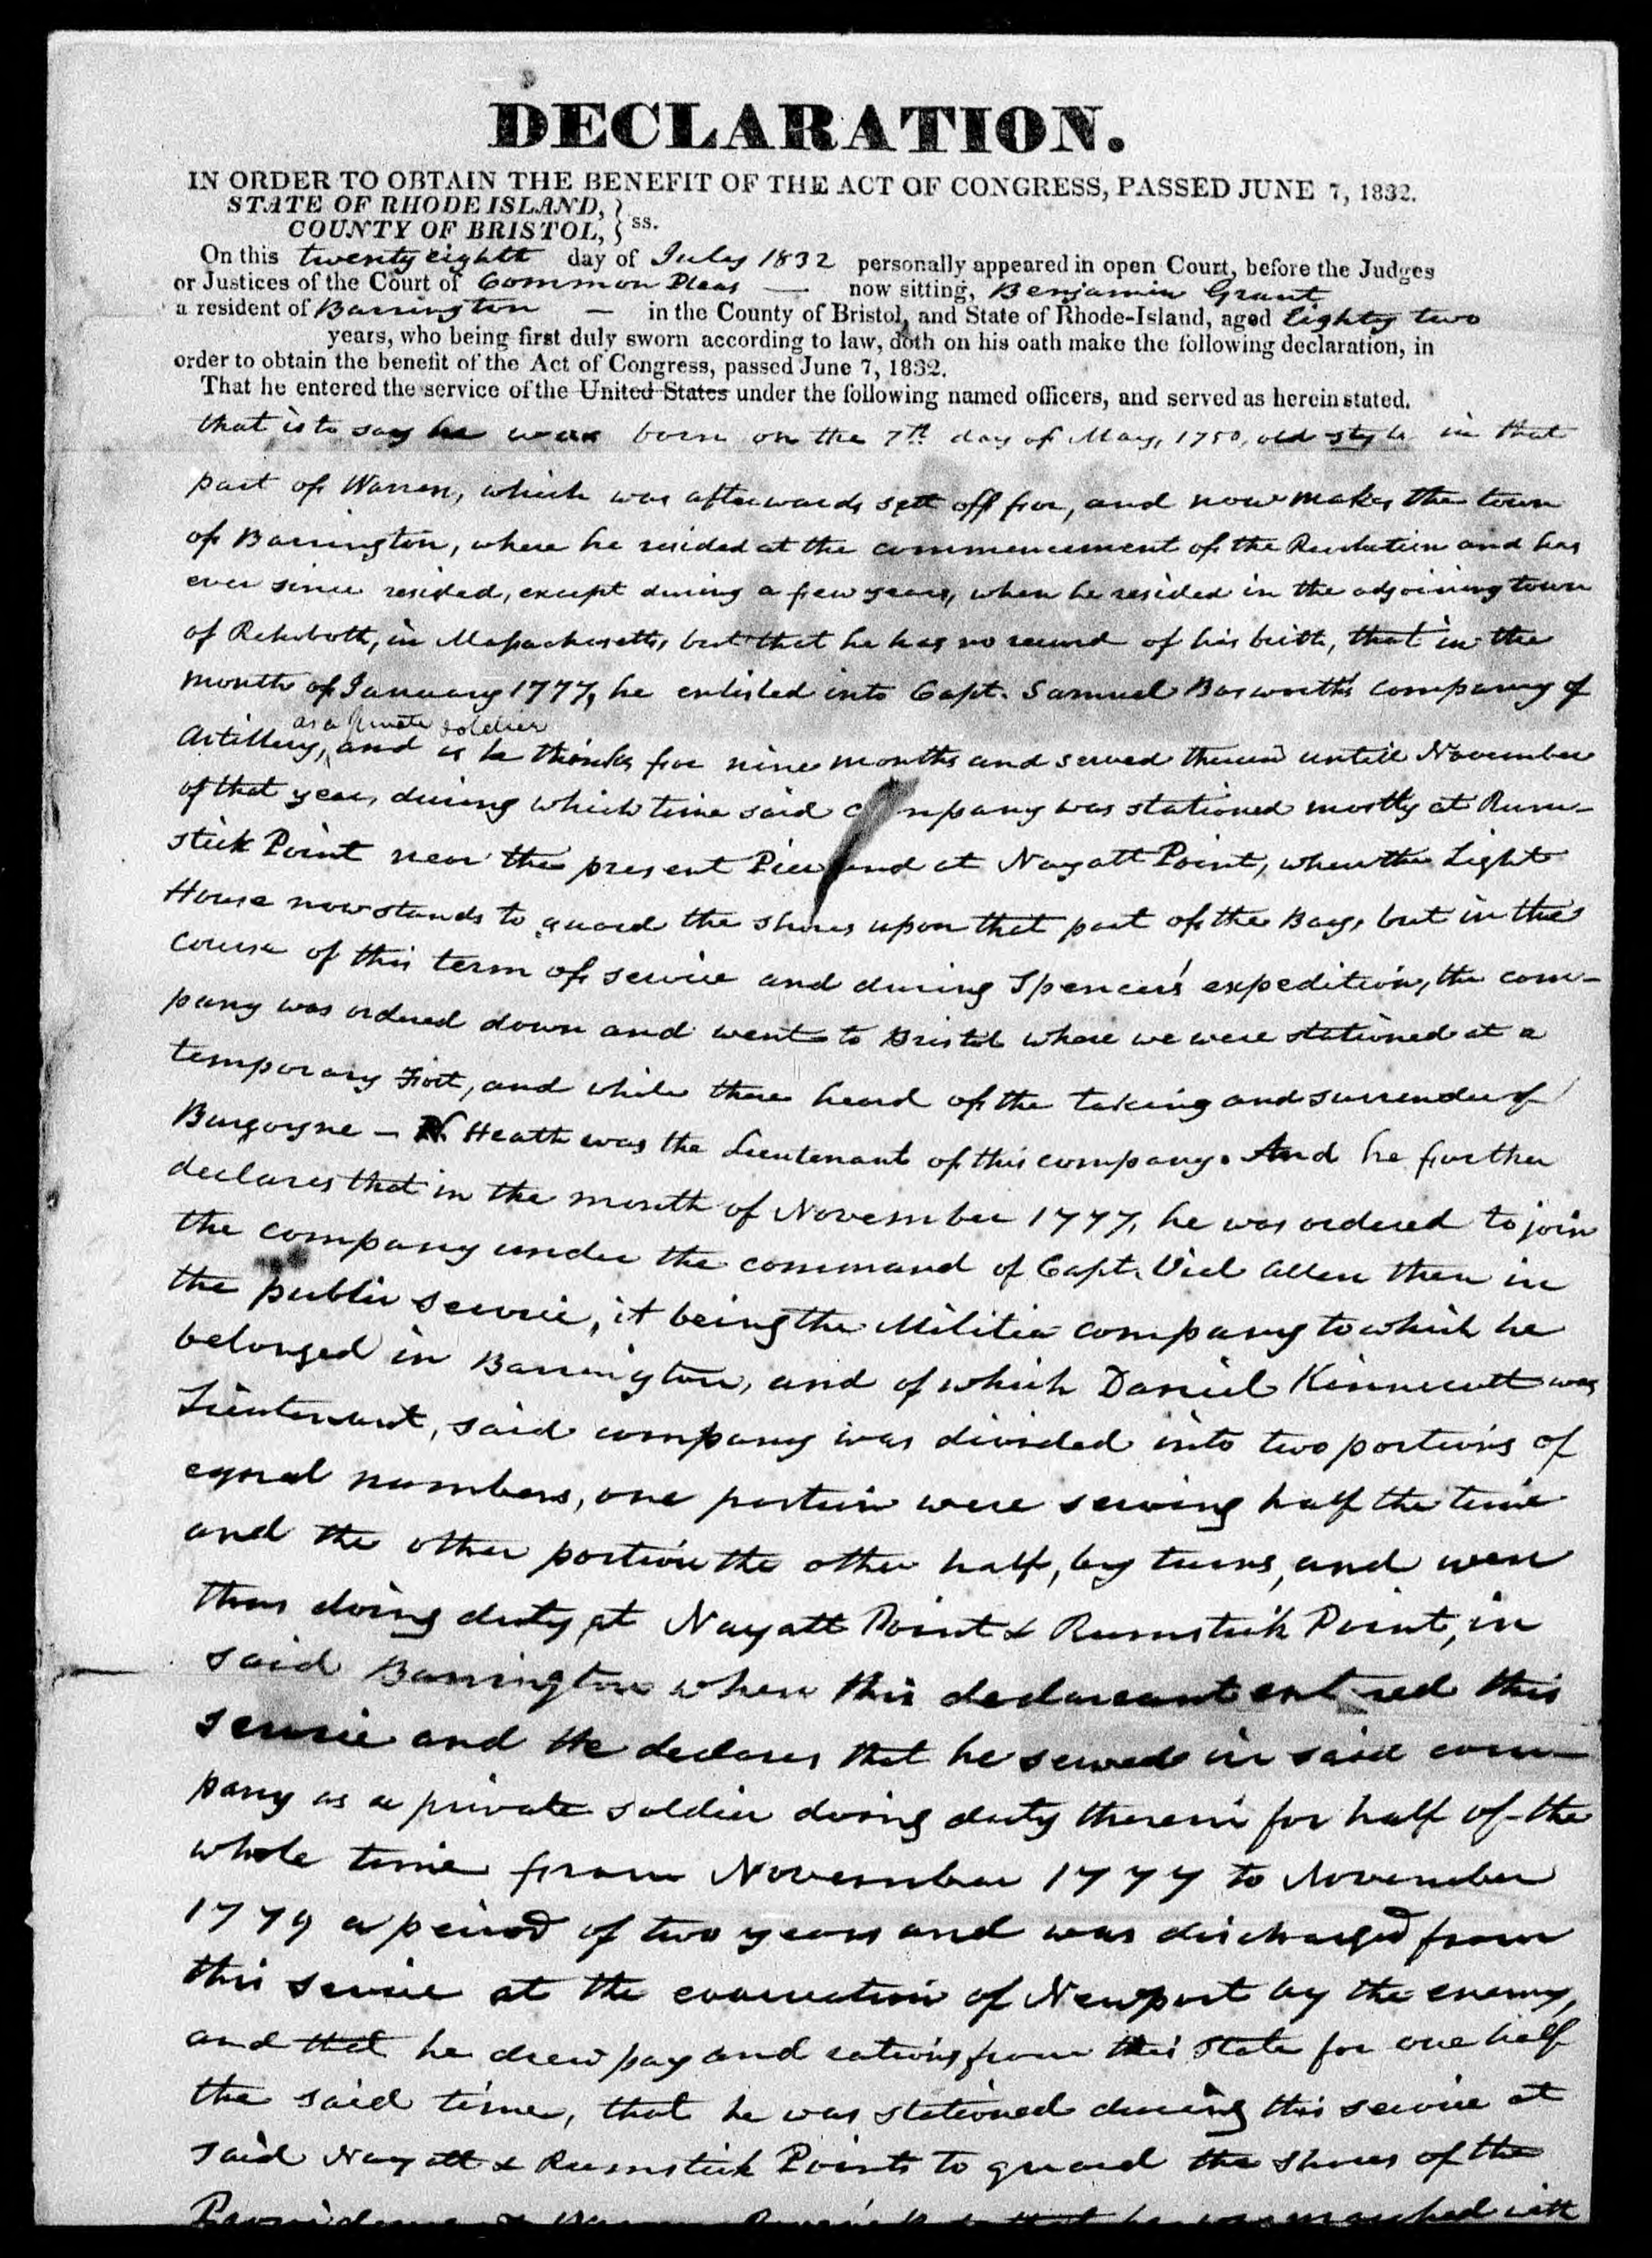DECLARATION.
IN ORDER TO OBTAIN THE BENEFIT OF THE ACT OF CONGRESS, PASSED JUNE 7, 1832.
STATE OF RHODE ISLAND,
COUNTY OF BRISTOL, [flourish bracket] ss.

On this twenty eight day of July 1832 personally appeared in open Court, before the Judges or Justices of the Court of Common Pleas now sitting, Benjamin Grant a resident of Barrington in the County of Bristol and State of Rhode-Island aged eighty two years, who being first duly sworn according to law, doth on his oath make the following declaration, in order to obtain the benefit of the Act of Congress, passed June 7, 1832.

That he entered the service of the United States under the following named officers, and served as herein stated.

that is to say he was born on the 7th day of May, 1750, old [style?] in that part of Warren, which was afterward split off from, and now makes the town of Barrington, where he resided at the commencement of the Revolution and has even since resided, except during a few years, when he resided in the adjoining town of Rehoboth, in Massachusetts, but that he has no record of his birth, that in the Month of January 1777, he enlisted into Capt. Samuel Bosworth's Company of artillery as a private soldier, and is he thinks for nine months and served there untill [until] November of that year, during which time said company was stationed mostly at Rumstick Point near this present Pier and at Nayatt Point, where the Light House now stands to guard the shores upon that part of the Bay, but in the course of this term of service and during Spencer's expedition, the company was ordered down and went to Bristol where we were stationed at a temporary Fort, and while there heard of the taking and surrender of Burgoyne - Heath was the Lieutenant of this company. And he further declares that in the month of November 1777, he was ordered to join the company under the command of Capt. Viol [Viall] Allen then in the public service, it being the Militia company to which he belonged in Barrington, and of which Daniel Kinnicutt was Lieutenant, said company was divided into two portions of equal numbers, one portion were serving half the time and the other portion the other half, by tours, and were there doing duty at Nayatt Point & Rumstick Point, in said Barrington where this declarant entered this service and he declares that he served in said company as a private soldier during duty therein for half of the whole time from November 1777 to November 1779 a period of two years and was discharged from this service at the evacuation of Newport by the enemy, and that he drew pay and rations from this state for one half the said time, that he was stationed during this service at said Nayatt & Rumstick Points to guard the shores of the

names: Viol Allen, H Heath, Daniel Kinnicutt, Benjamin Grant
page: 4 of 21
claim: survivor's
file: S. 17,446, Benjamin Grant, R.I.